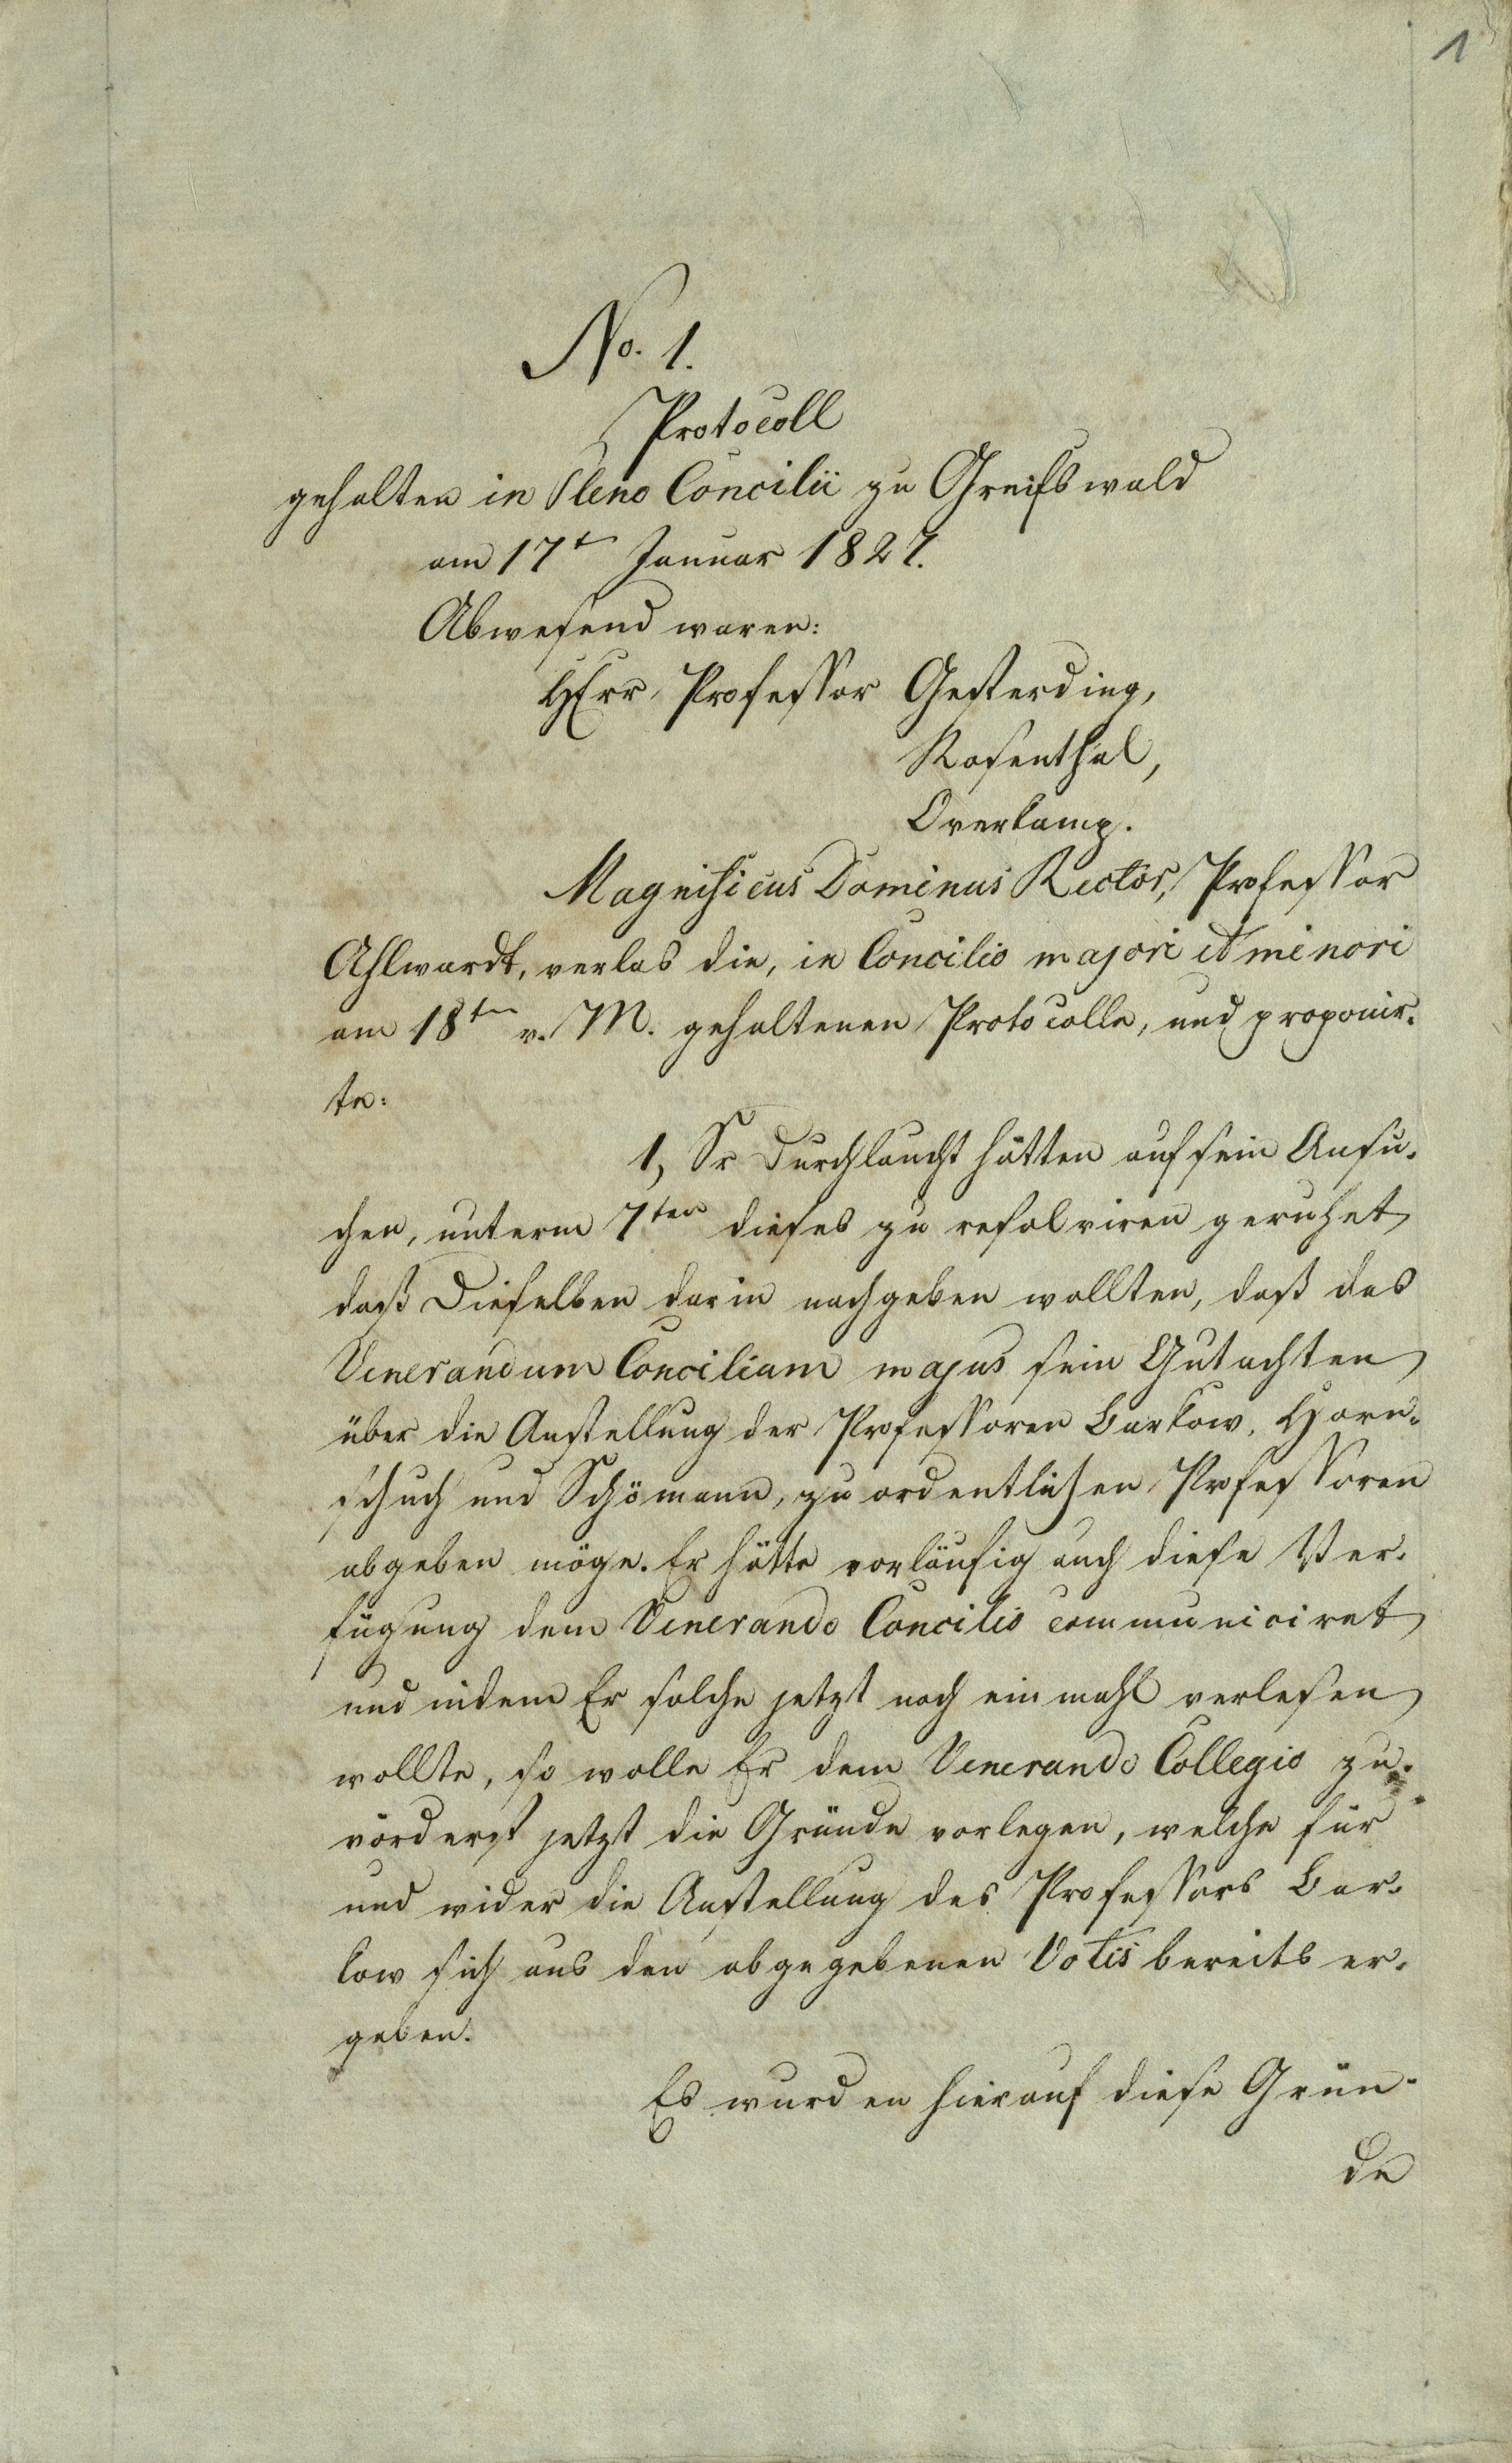Nº 1.
Protocoll
gehalten in Pleno Concilii zu Greifswald
am 17ten Januar 1827
Abwesend waren:
Herr Professor Gesterding,
Rosenthal,
Overkamp.
Magnificus Dominus Rector, Professor
Ahlwardt, verlas die, in Concilio majori et minori
am 18ten v. M. gehaltenen Protocolle, und proponir¬
te.
1, Sr Durchlaucht hätten auf sein Ansu¬
chen, unterm 7ten dieses zu refolviren geruhet,
daß dieselben darin nachgeben wollten, daß das
Venerandum Concilium majus seine Gutachten
über die Anstellung der Professoren Barkow, Horn¬
schuch und Schömann, zu ordentlichen Professoren
abgeben möge. Er hätte vorläufig auch diese Ver¬
fügung dem Venerando Concilio communiciret,
und indem Er solche jetzt noch einmahl verlesen
wollte, so wolle Er dem Venerando Collegio zu¬
vörderst jetzt die Gründe vorlegen, welche für
und wider die Anstellung des Professors Bar¬
kow sich aus den abgegebenen Votis bereits er¬
geben.
Es wurden hierauf diese Grün¬
de.